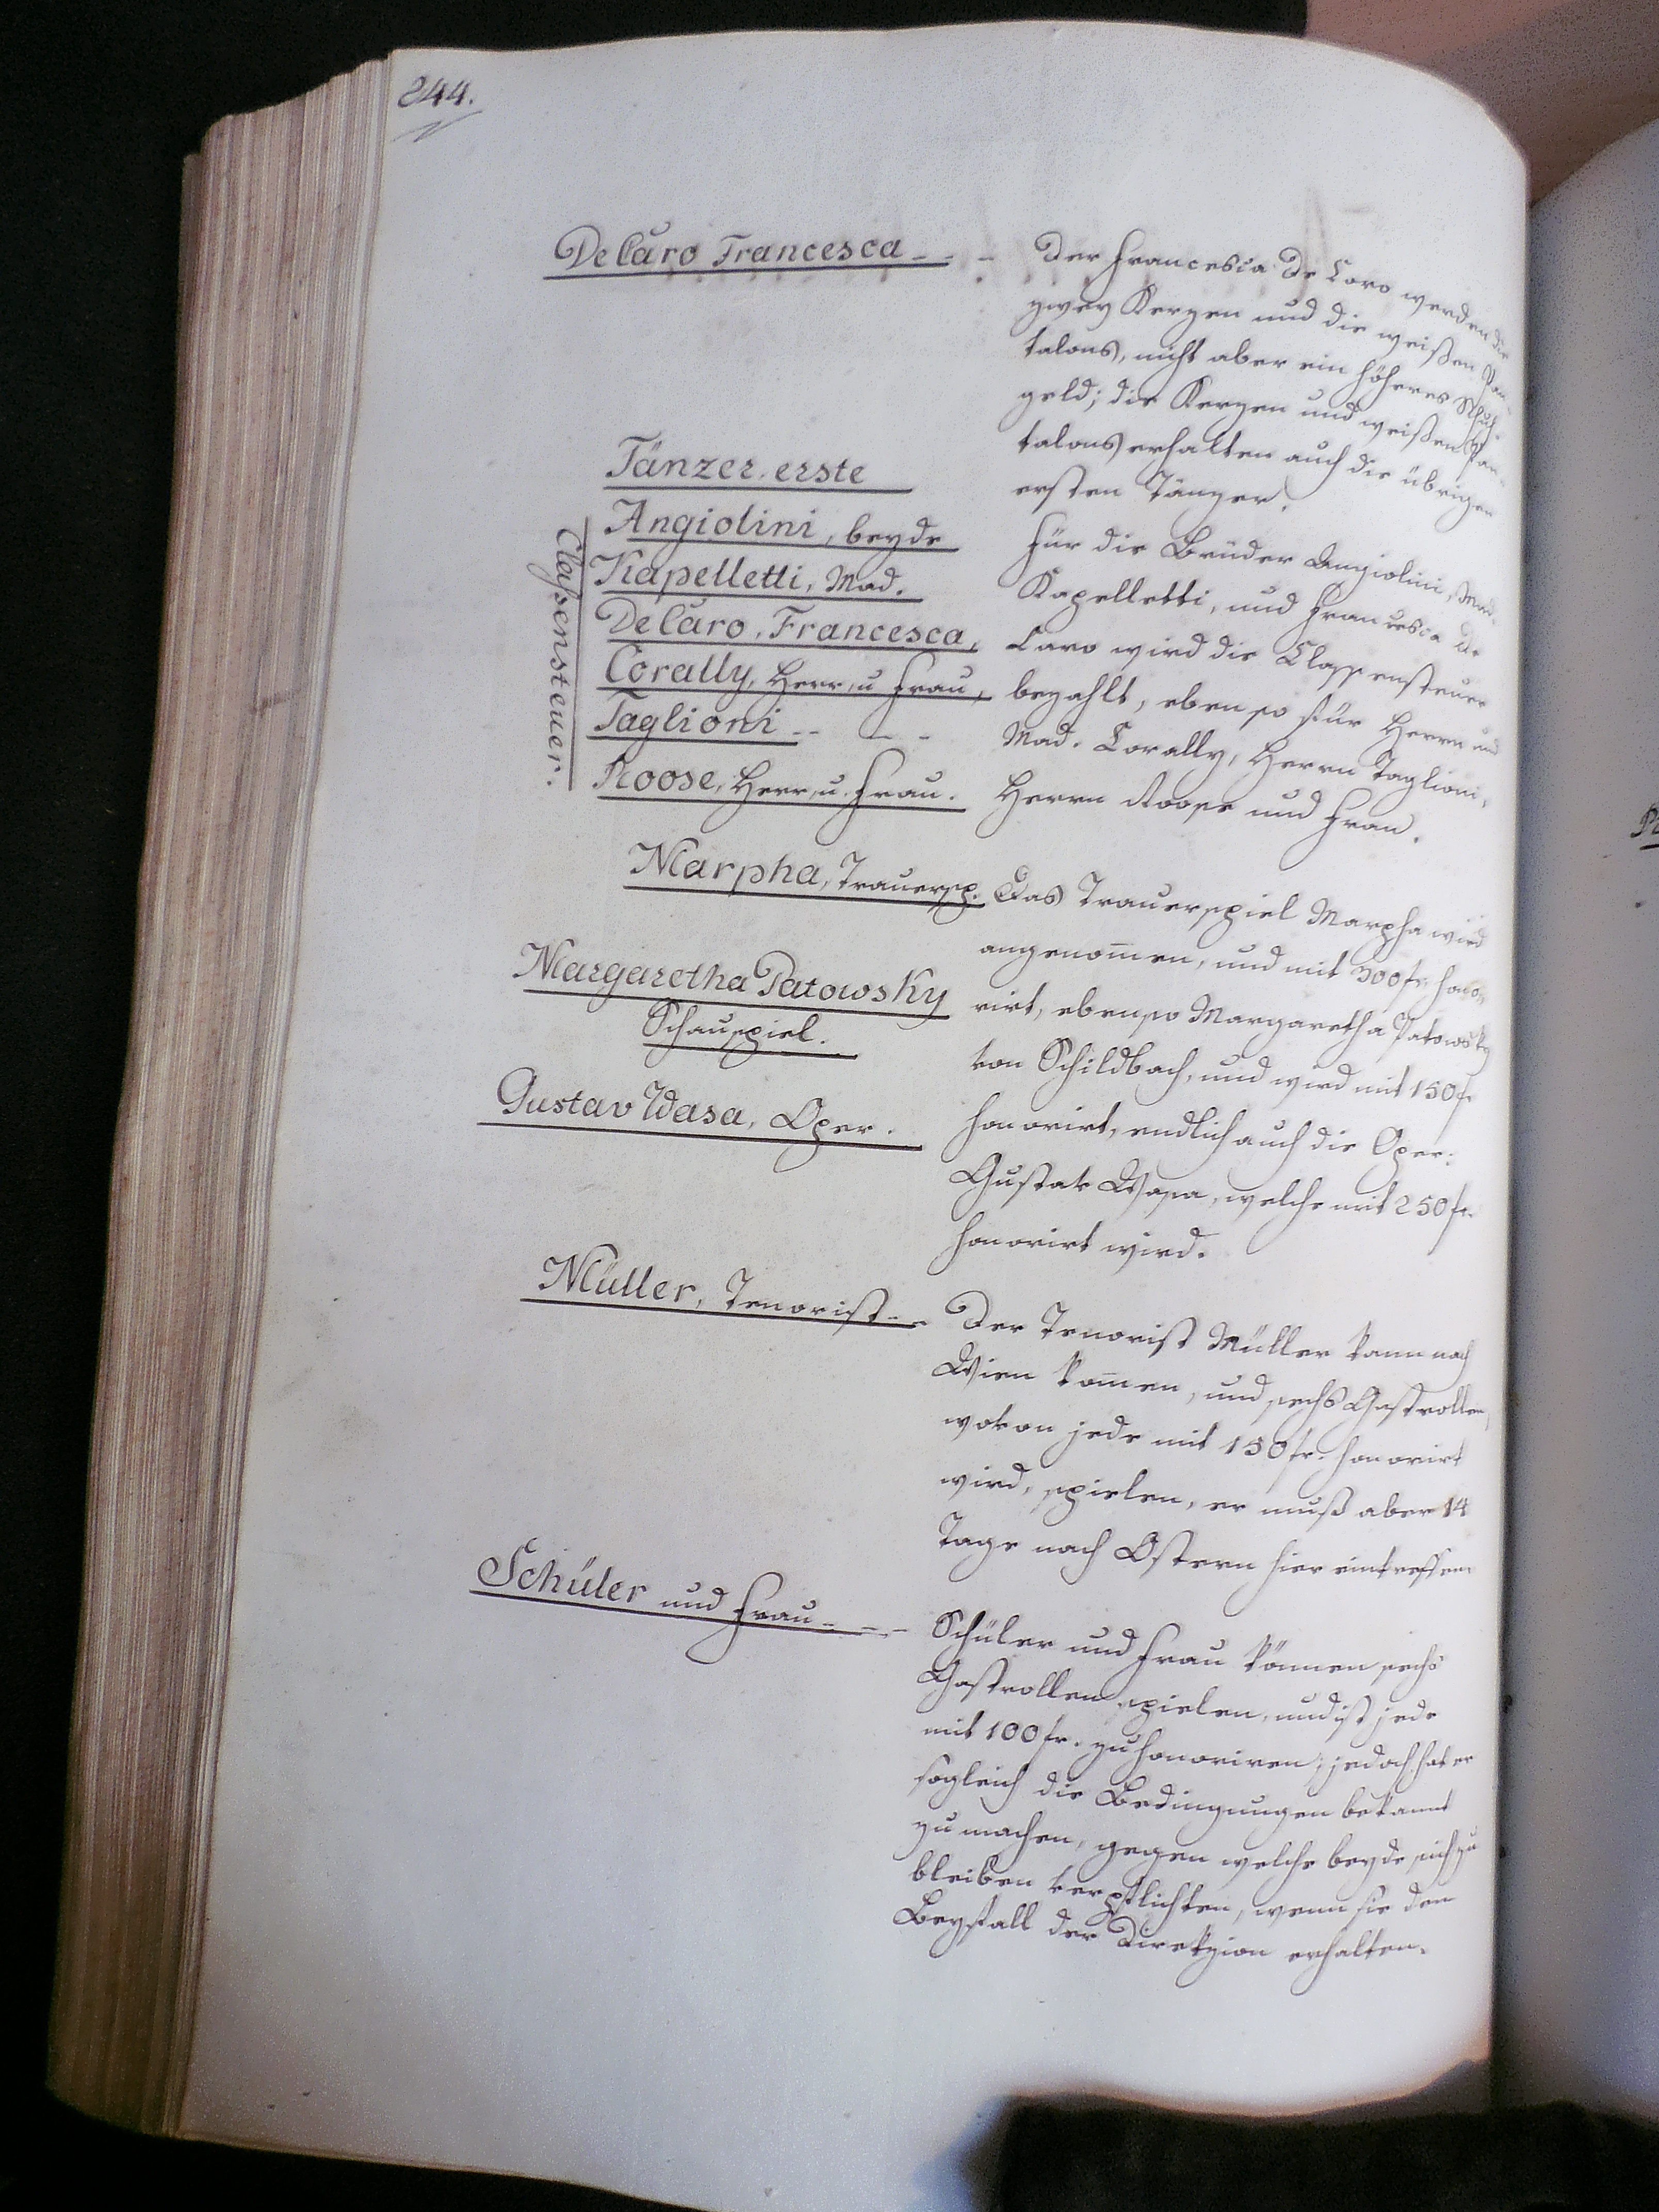244.
Delaro Francesca .. ..
Tänzer, erste
Der Francesca de Laro werden die
zwey Kerzen und die weißen Pan¬
talons, nicht aber ein höheres Schu¬
geld, die Kerzen und weißen Pan¬
talons erhalten auch die übrigen
ersten Tänzer.
Classensteuer.
Angiolini, beyde
Kapelleti, Mad.
Delaro, Francesca,
Corally, Herr u Frau,
Taglioni
Roose, Herr u Frau.
Für die Brüder Angiolini; dann
Kapelletti, und Francesca de
Laro wird die Classensteuer
bezahlt, eben so für Herrn und
Mad. Corally, Herrn Taglioni,
Herrn Roose und Frau.
Marpha, Trauersp.
Margaretha Patowsky
Schauspiel.
Gustav Wasa, Oper.
Das Trauerspiel Marpha wird
genom̅en, und mit 300fr. hono¬
rirt, ebenso Margaretha Patowsky
von Schildbach, und wird mit 150fr.
honorirt, endlich auch die Oper:
Gustav Wasa, welche mit 250fr.
honorirt wird.
Müller, Tenorist .. .. Der Tenorist Müller kann nach
Wien kom̅en, und sechs Gastrollen,
wovon jede mit 150fr. honorirt
wird, spielen, er muß aber 14
Tage nach Ostern hier eintreffen.
Schüler und Frau .. .. .. Schüler und Frau können sechs
Gastrollen spielen, und ist jede
mit 100fr. zu honoriren; jedoch hat er
sogleich die Bedingungen bekannt
zu machen, gegen welche beyde sich zu
bleiben verpflichten, wenn sie den
Beyfall der Direkzion erhalten.